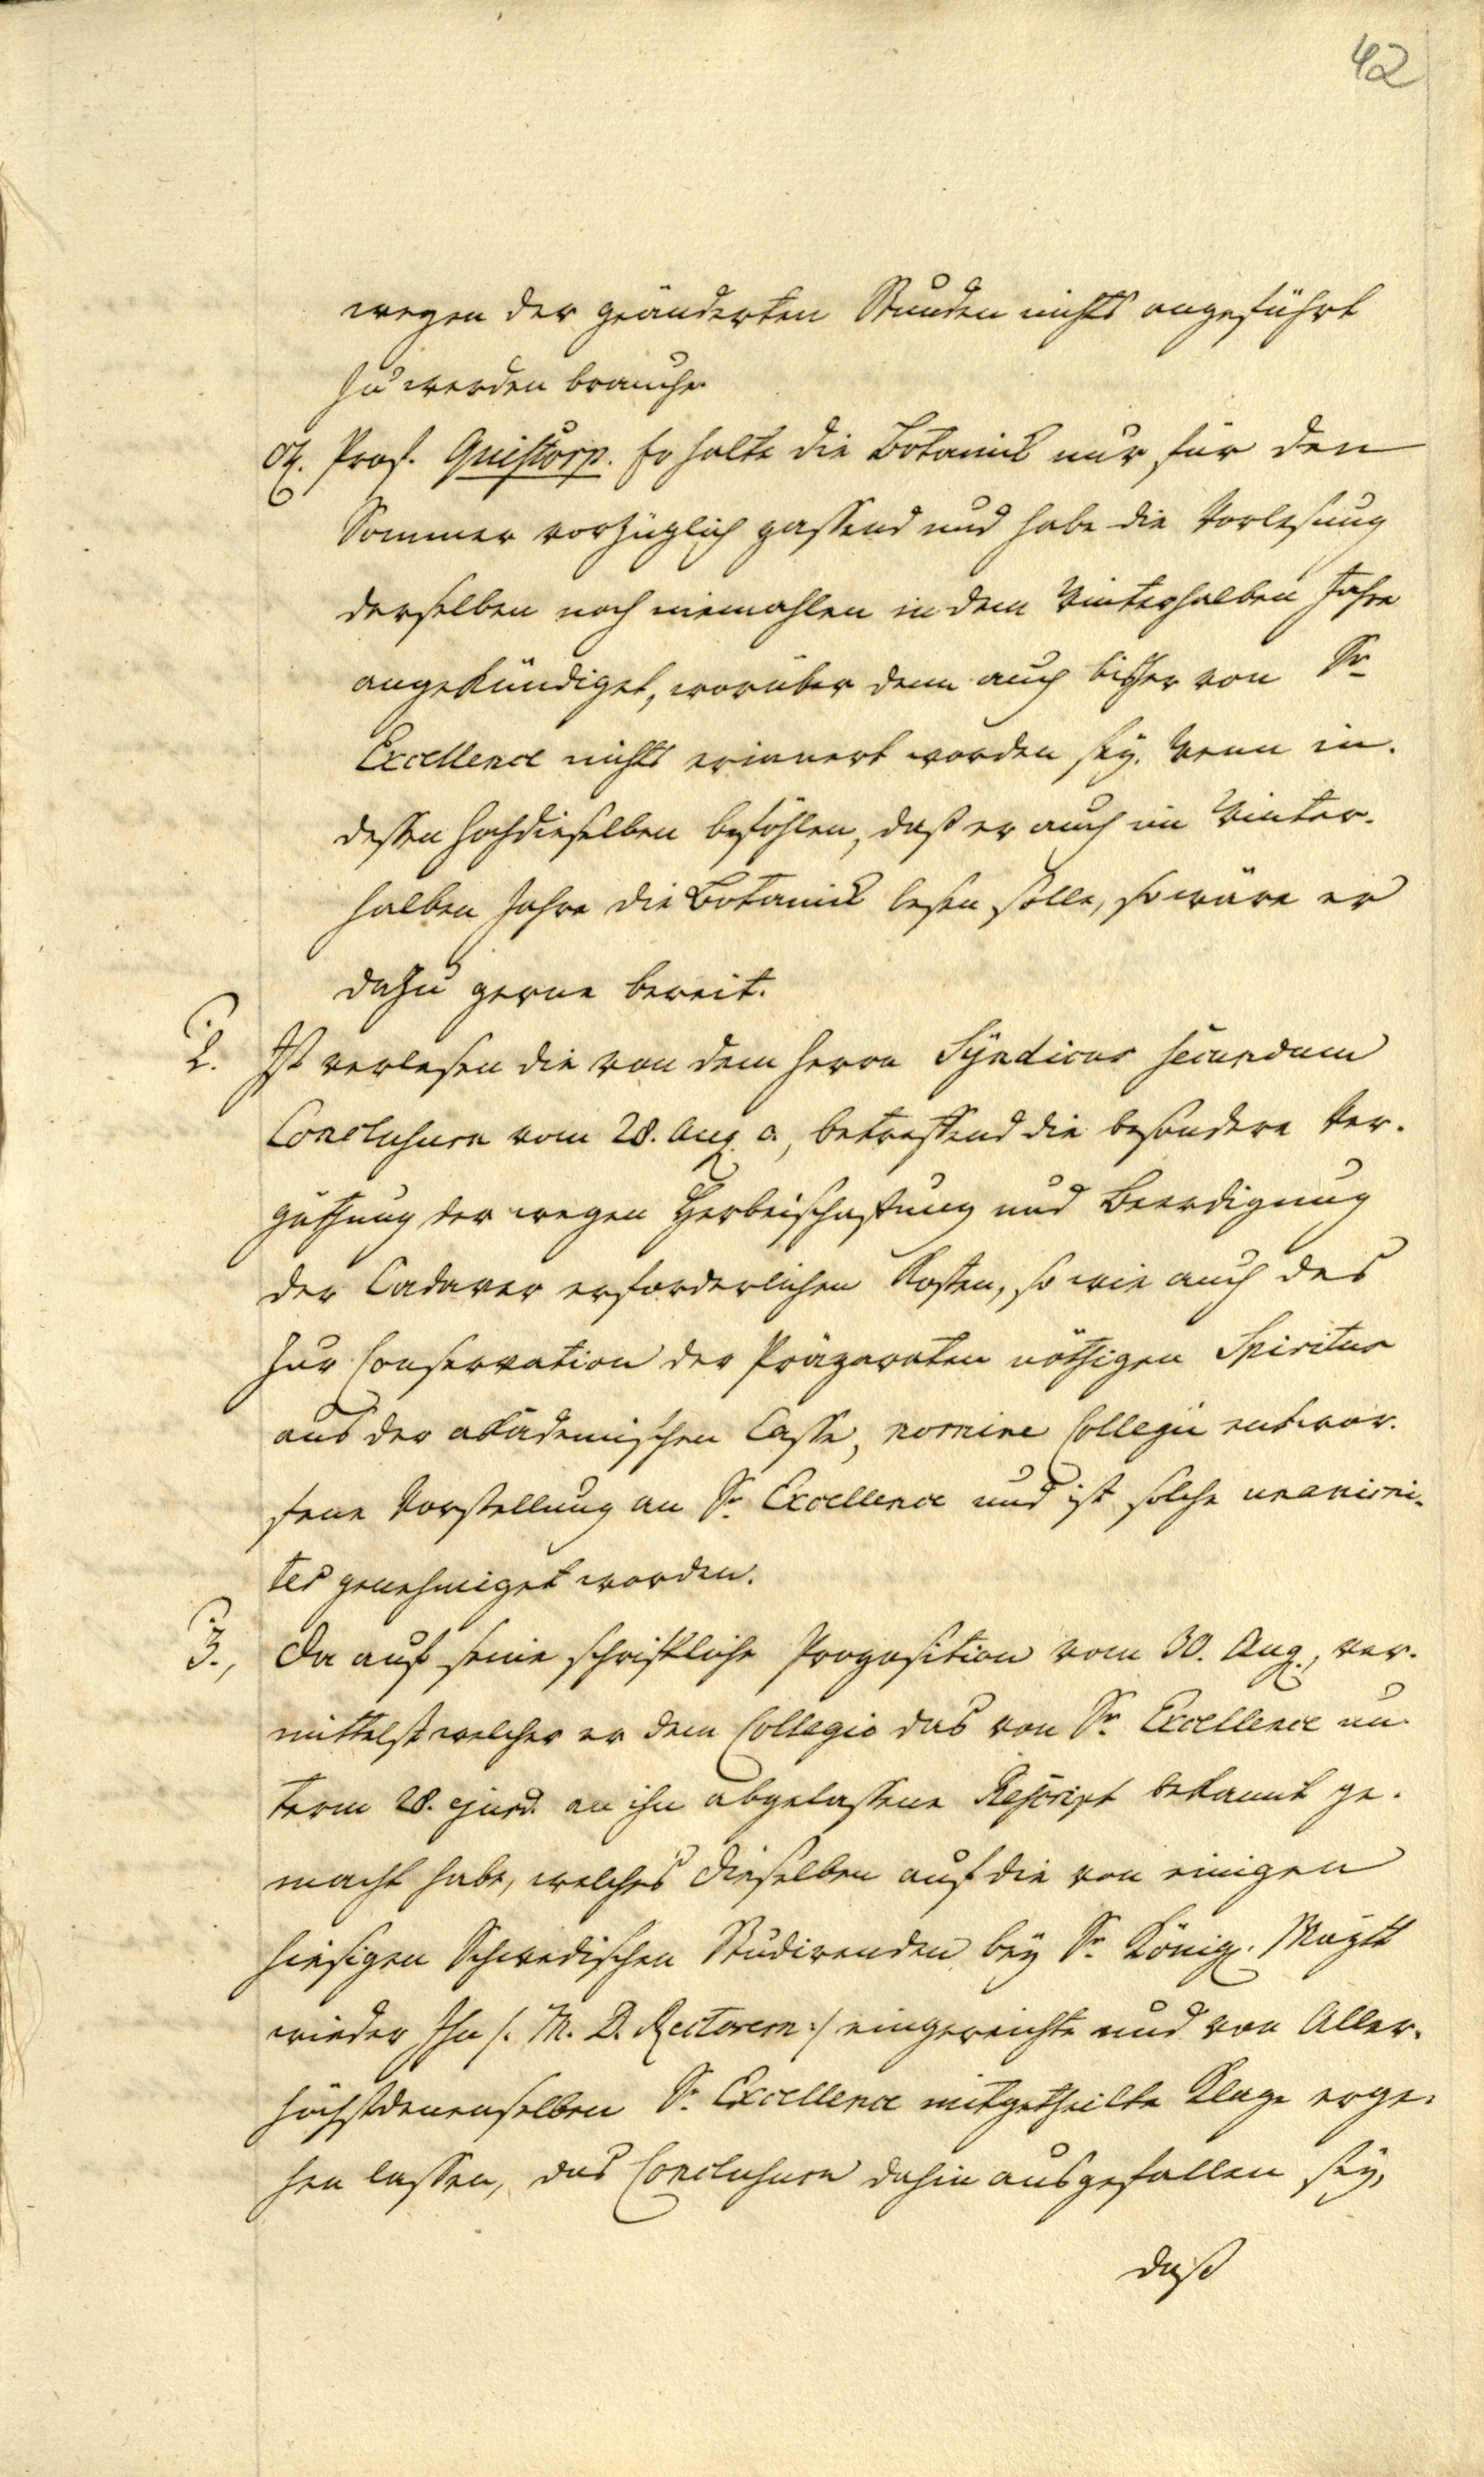wegen der geänderten Stunden nichts angeführt
zu werden brauche.
dh. Prof. Quistorp. Er halte die Botanick nur für den
Sommer vorzüglich passend und habe die Vorlesung
derselben noch niemahlen in dem Winterhalben Jahre
angekündiget, worüber denn auch bisher von Sr
Excellence nichts erinnert worden seÿ. Wenn in¬
dessen hochdieselben beföhlen, daß er auch im Winter¬
halben Jahre die Botanick lesen solle, so wäre er
dahin gerne bereit.
2. Ist verlesen die von dem Herrn Sÿndicus secundum
Conclusum vom 28. Aug. a, betreffend die besondere Ver¬
güthung der wegen Herbeischafung und Beerdigung
der Cadaver erforderlichen Kosten, so wie auch des
zur Conservation der Präparaten nöthigen Spiritus
aus der akademischen Casse, nomine Collegii entwor¬
fene Vorstellung an Sr Excellence und ist solche unanimi¬
tes genehmiget worden.
3., Da auf seine schriftliche Proposition vom 30. Aug. ver¬
mittelst welcher er dem Collegio das von Sr. Excellence un¬
term 28. ejusd. an ihn abgelassene Rescript bekannt ge¬
macht habe, welches dieselben auf die von einigen
hiesigen Schwedischen Studirenden beÿ Sr. Königl. Maÿtt.
wieder Ihn / M. D. Rectorem:/ eingereichte und von Aller¬
höchstdenenselben Sr. Excellence mitgetheilte Klage erge¬
hen lassen, das Conclusum dahin ausgefallen seÿ,
daß